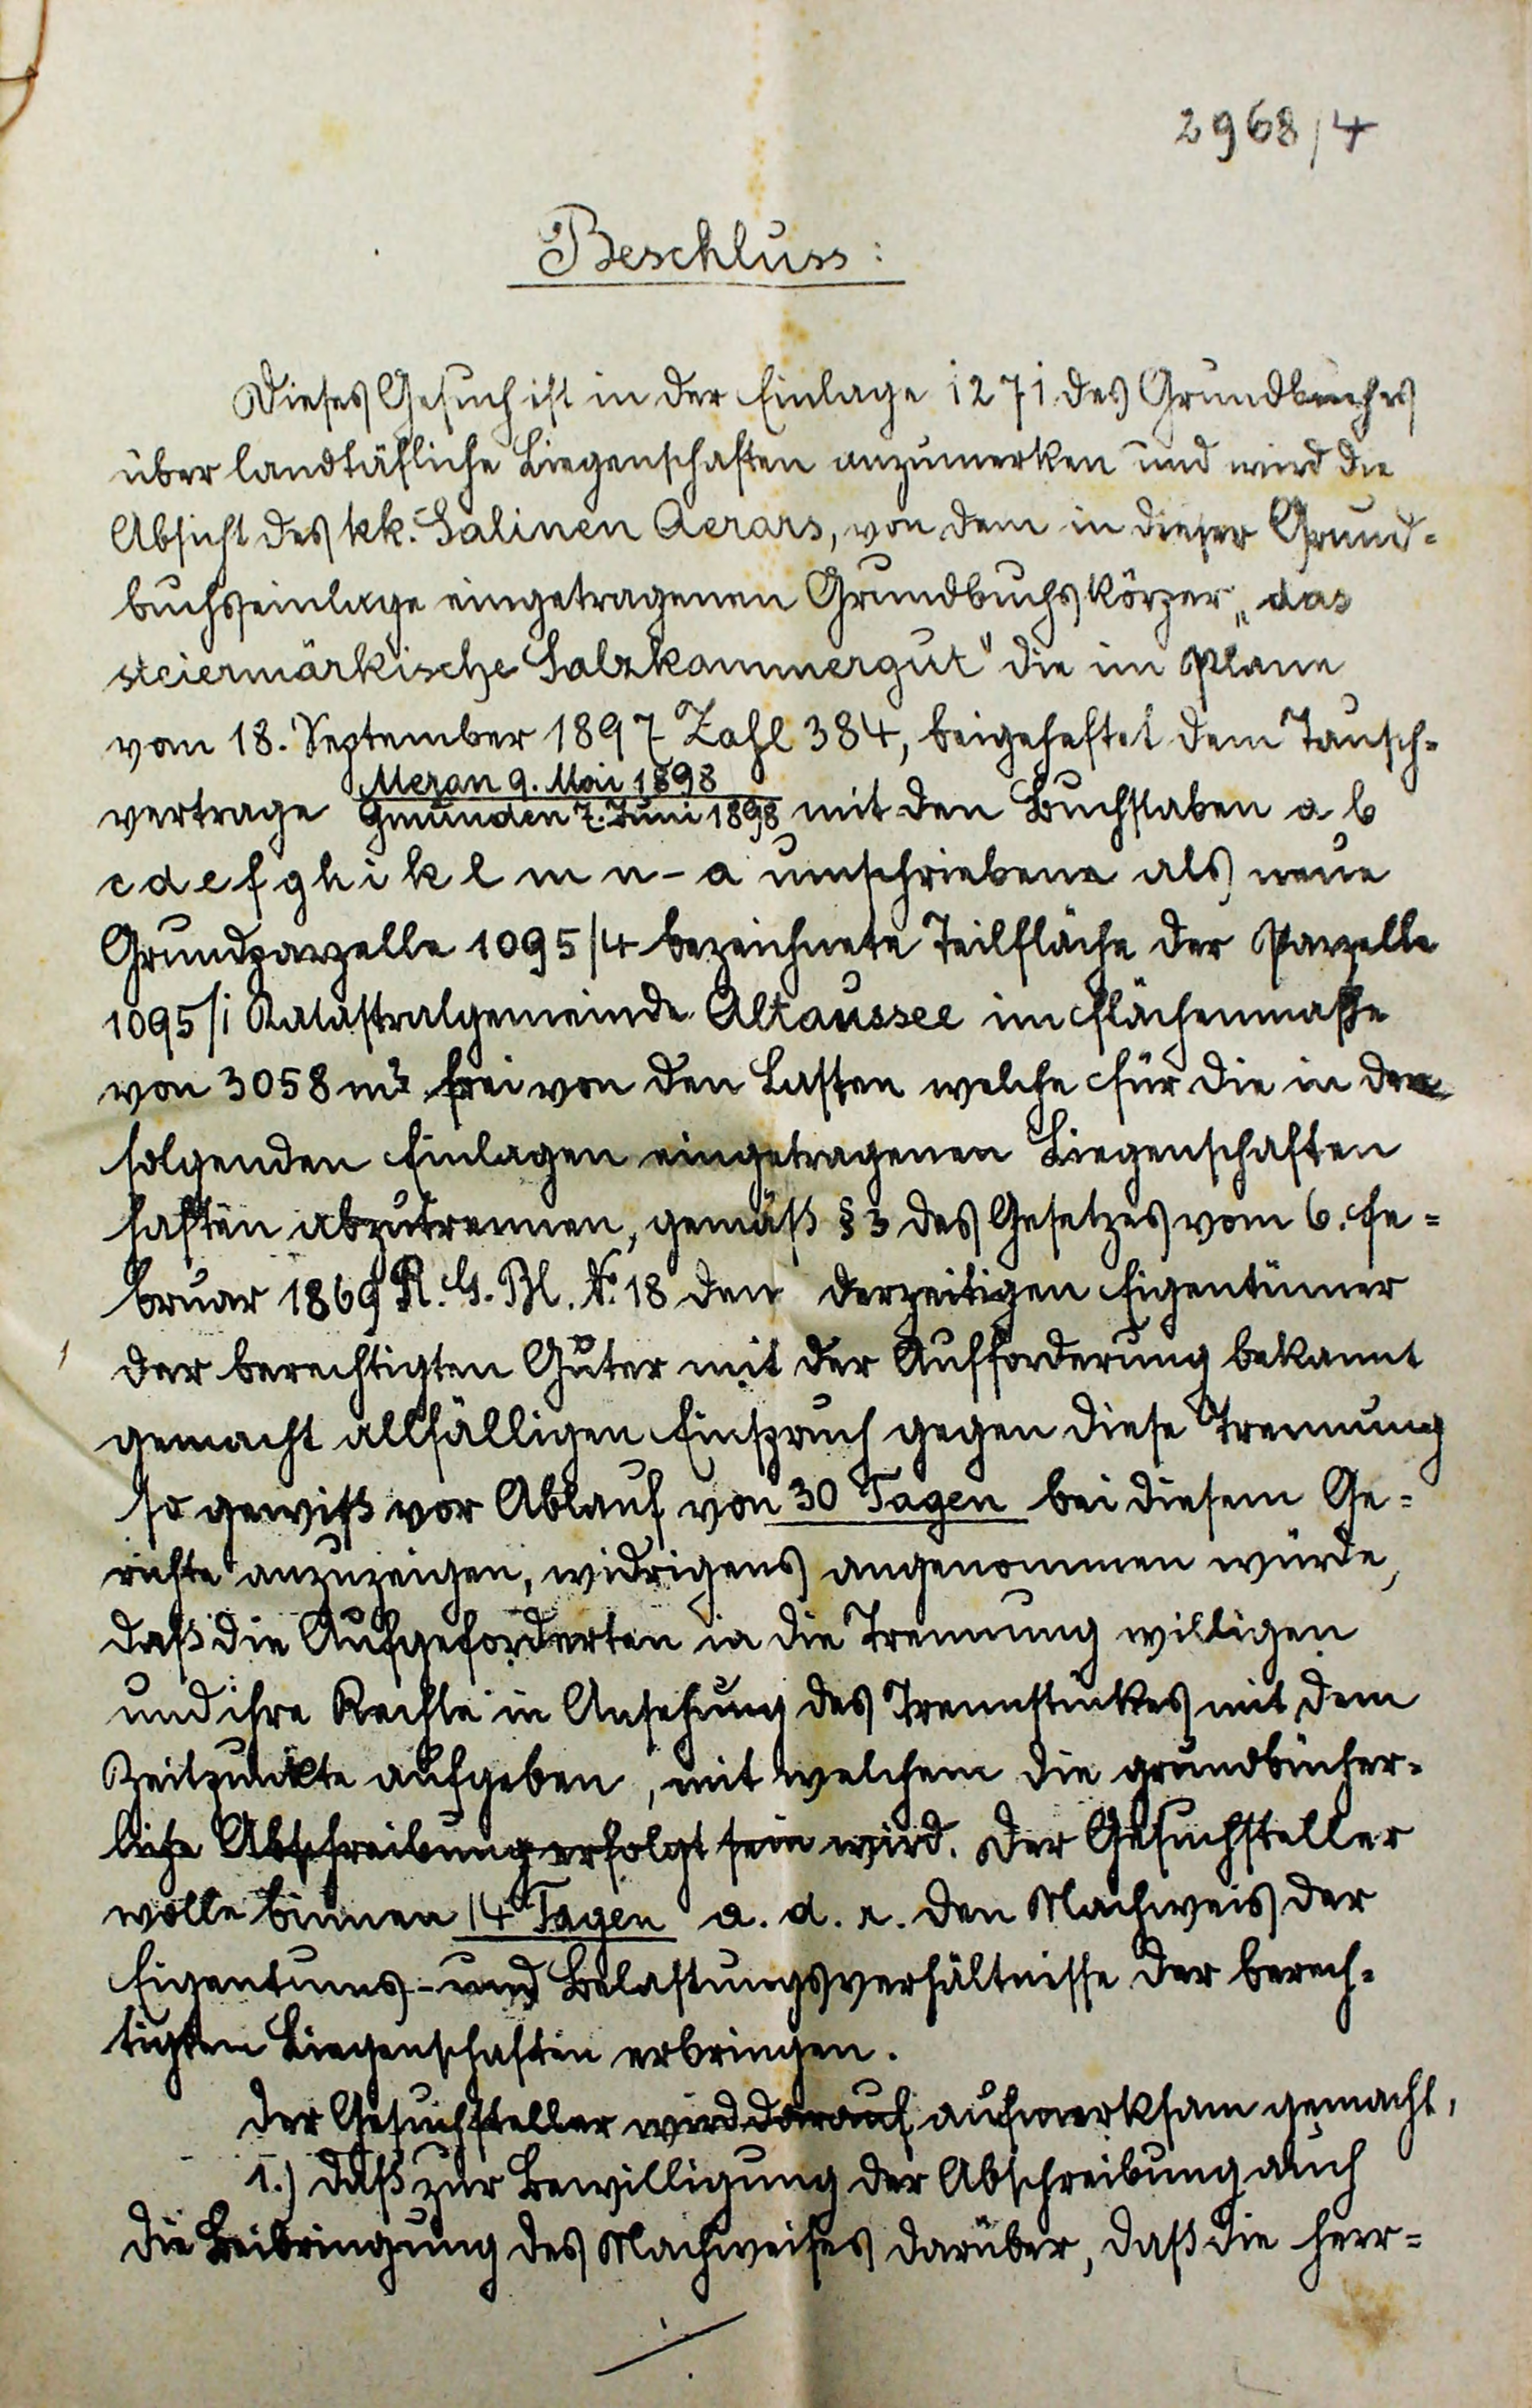2968/4
Beschluss:
Dieses Gesuch ist in der Einlage 1271 des Grundbuches
über landtäfliche Liegenschaften anzumerken und wird die
Absicht des kk. Salinen Aerars, von dem in dieser Grund=
buchseinlage eingetragenen Grundbuchskörper „das
steiermärkische Salzkammergut“ die im Plane
vom 18. September 1897 Zahl 384, beigehaftet dem Tausch=
Megan 9. Mai 1898
vertrage Gmunden 7. Juni 1898 mit den Buchstaben a b
c d e f g h i k l m n - a umschriebene als ??ue
Grundparzalle 1095/4 bezeichnete Teilfläche der Parzelle
1095/i Katastralgemeinde Altaussee im Flächenmaße
Von 3058 m2 frei von den Lasten welche für die in den
folgenden Einlagen eingetragenen Liegenschaften
fasten abzutrennen, gemäß § 3 des Gesetzes vom 6. fe=
bruar 1869 R. G. Bl. No 18 den derzeitigen Eigentümer
der berechtigten Guter mit der Aufforderung bekannt
gemacht allfälligen Einspruch gegen diese Trennung
so gewiß vor Ablauf von 30 Tagen bei diesem Ge=
richte anzuzeigen, widrigens angenommen würde,
daß die Aufgeforderten in die Trennung willigen
und ihre Rechte in Ansehung des Trennstückes mit dem
Zeitpunkte aufgeben, mit welchem die grundbücher=
liche Abschreibung erfolgt sein wird. Der Gesuchsteller
wolle binnen 14 Tagen a.d.c. den Nachweis der
Eigentums- und Belastungsverhältnisse der berech=
tigten Liegenschaften erbringen.
Der Gesuchsteller wird do???uf aufmerksam gemacht,
1.) Daß zur Bewilligung der Abschreibung auch
die Beibringung des Nachweises darüber, daß die Herr=